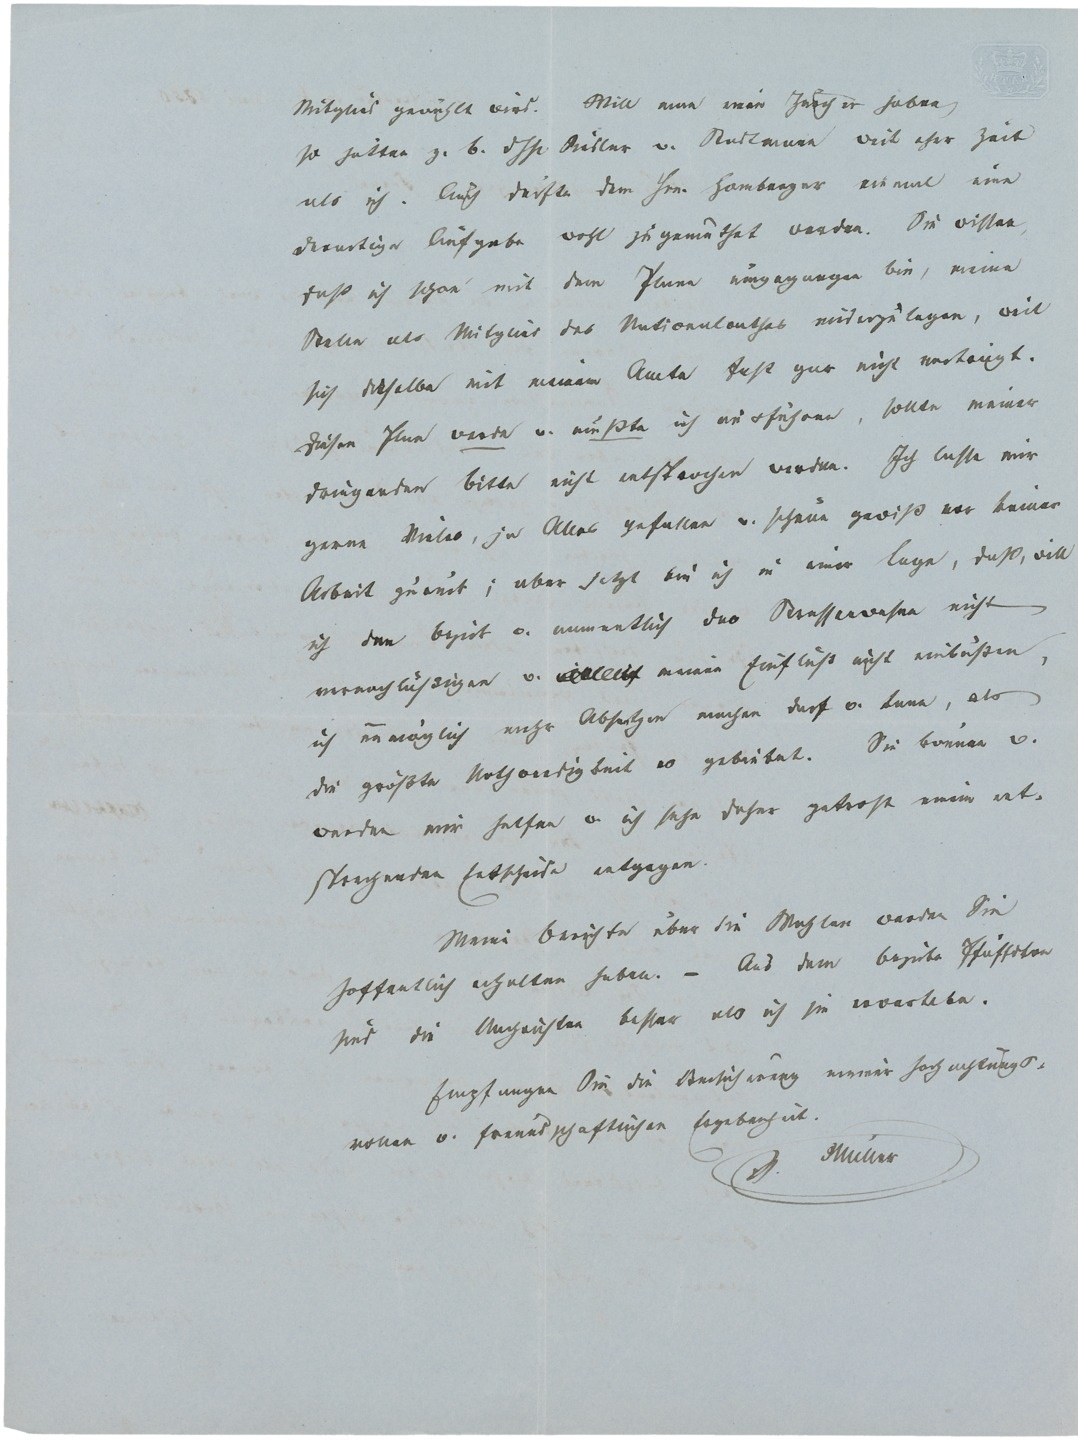Mitglied gewählt wird. Will man einen Zürcher haben,
so hätten z. B. d Hhr Siedler &. Stadtmann weit eher Zeit
als ich. Auch dürfte dem Hrn. Homberger einmal eine
derartige Aufgabe wohl zugemuthet werden. Sie wissen,
dass ich schon mit dem Plane umgegangen bin, meine
Stelle als Mitglied des Nationalrathes niederzulegen, weil
sich dieselbe mit meinem Amte fast gar nicht verträgt.
Diesen Plan werde &. müßte ich ausführen, sollte meiner
dringenden Bitte nicht entsprochen werden. Ich lasse mir
gerne Vieles, ja Alles gefallen &. scheue gewiß vor keiner
Arbeit zurück; aber jetzt bin ich in einer Lage, daß, will
ich den Bezirk &. namentlich das Strassenwesen nicht
vernachläßigen &. wie ich meinen Einfluß nicht einbüßen,
ich unmöglich mehr Absentzen machen darf &. kann, als
die größte Nothwendigkeit es gebietet. Sie können &.
werden mir helfen &. ich sehe daher getrost einem ent-
sprechenden Entscheide entgegen.
Meine Berichte über die Wahlen werden Sie
hoffentlich erhalten haben. – Aus dem Bezirke Pfäffikon
sind die Nachrichten besser als ich sie erwartete.
Empfangen Sie die Versicherung meiner hochachtungs-
vollen &. freundschaftlichen Ergebenheit.
J. Müller